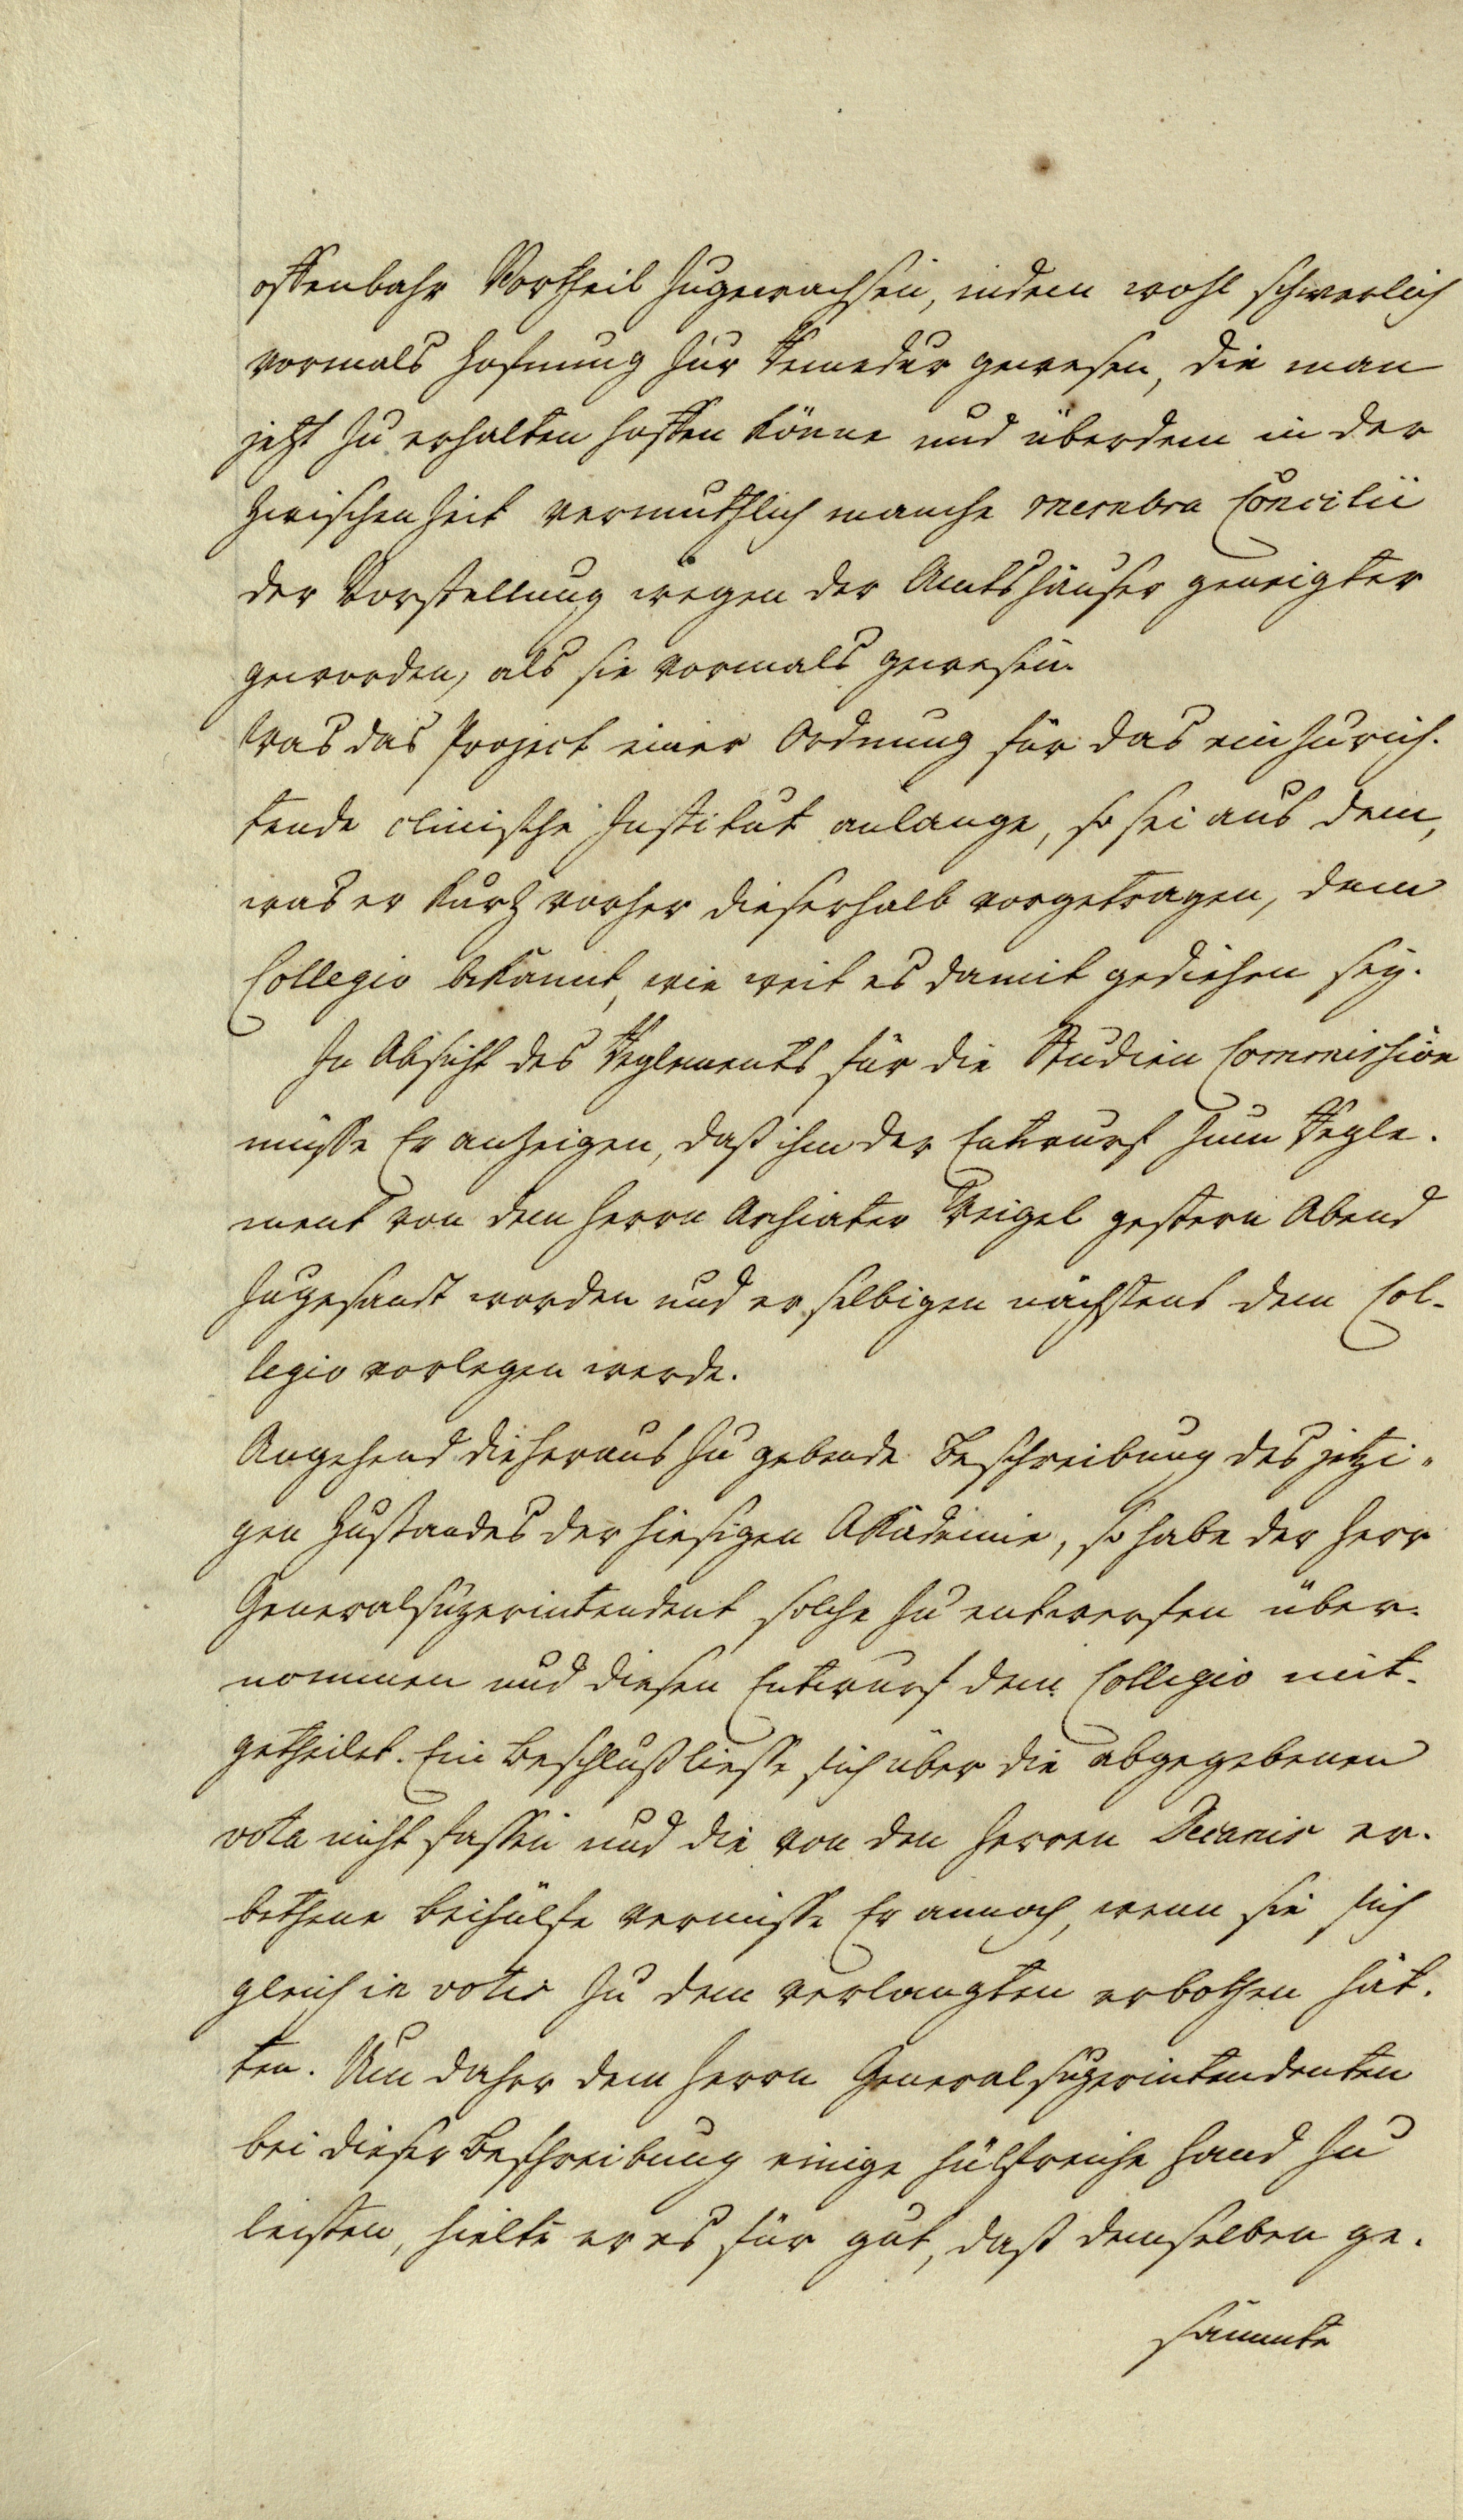offenbahr Vortheil zugewachsen, indem wohl schwerlich
vormals Hofnung zur Remedur gewesen, die man
jetzt zu erhalten hoffen könne und überdem in der
Zwischenzeit vermuthlich manche membra Concilii
der Vorstellung wegen der Amtshäuser geneigter
geworden, als sie vormals gewesen.
Was das Project einer Ordnung für das einzurich¬
tende clinische Institut anlange, so sei aus dem,
was er kurz vorher dieserhalb vorgetragen, dem
Collegio bekannt, wie weit es damit gediehen seÿ.
In Absicht des Reglements für die Studien Commission
müsse Er anzeigen, daß ihm der Entwurf zum Regle¬
ment von dem Herrn Archiater Weigel gestern Abend
zugesandt worden und er selbigen nächstens dem Col¬
legio vorlegen werde.
Angehend die heraus zu gebende Beschreibung des jetzi¬
gen Zustandes der hiesigen Akademie, so habe der Herr
Generalsuperintendent solche zu entwerfen über¬
nommen und diesen Entwurf dem Collegio mit¬
getheilet. Ein Beschluß liesse sich über die abgegebenen
vota nicht fassen und die von den Herren Decanis er¬
bethene Beihülfe vermüsse Er annoch, wenn sie sich
gleich in votis zu dem verlangten erbothen hät¬
ten. Um daher dem Herrn Generalsuperintendenten
bei dieser Beschreibung einige hülfreiche Hand zu
leisten, hielte er es für gut, daß demselben ge¬
sammte